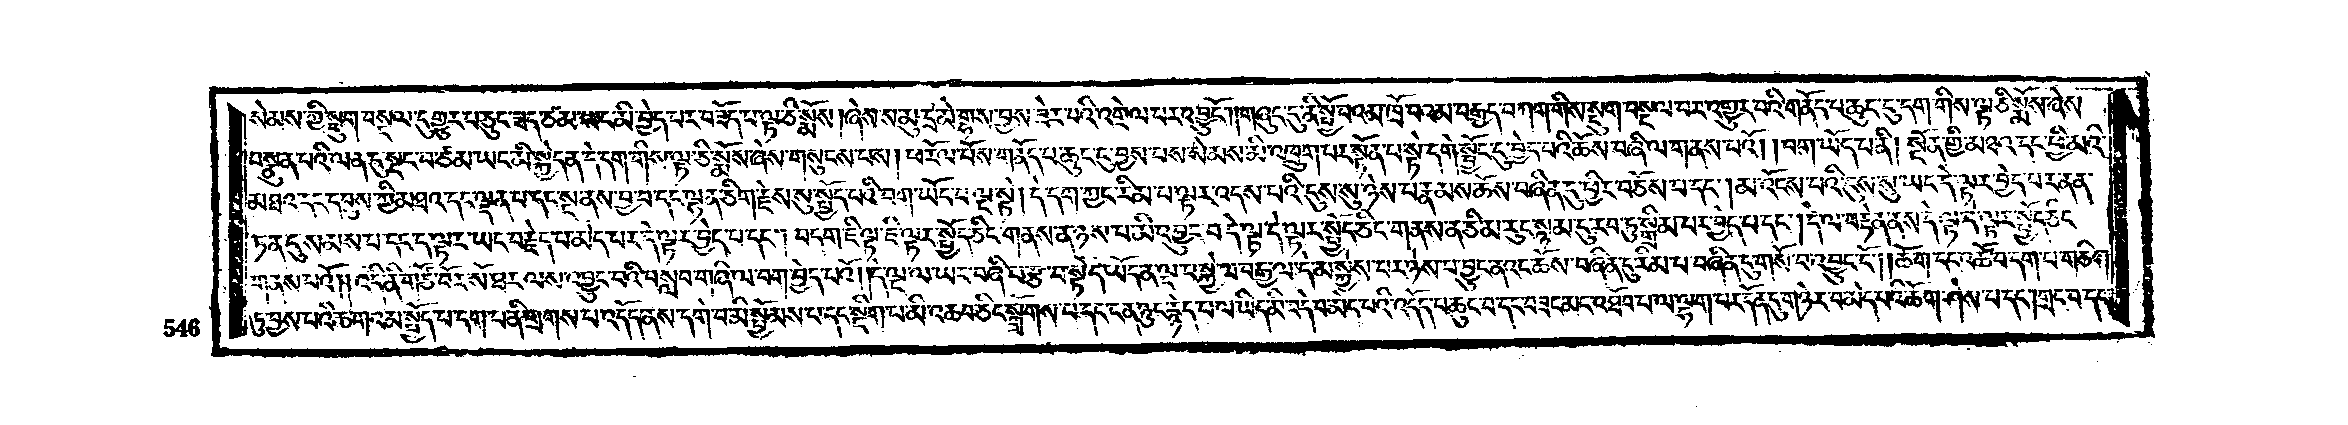སེམས་ཀྱི་སྡུག་བསྔལ་དུ་གྱུར་པ་ཅུང་ཟད་ཙམ་ཡང་མི་བྱེད་པར་བཟོད་པ་ལྟ་ཅི་སྨོས། ཞེས་ས་མུ་དྲ་མེ་གྷས་བྱས་ཟེར་པའི་འགྲེལ་པར་འབྱུང་ངོ། །གཞུང་དུ་ནི་སྤྱོ་བའམ་ཁྲོ་བའམ་བརྒྱད་བཀག་གིས་སྡུག་བསྔལ་བར་འགྱུར་བའི་གནོད་པ་ཆུང་ངུ་དག་གིས་ལྟ་ཅི་སྨོས་ཞེས་
བསྣུན་པའི་ལན་དུ་སྡང་བ་ཙམ་ཡང་མི་སྐྱེད་ན་དེ་དག་གིས་ལྟ་ཅི་སྨོས་ཞེས་གསུངས་པས། ཕ་རོལ་པོས་གནོད་པ་ཆུང་ངུ་བྱས་པས་སེམས་མི་འཁྲུག་པར་སྟོན་པ་སྟེ་དགེ་སྦྱོང་དུ་བྱེད་པའི་ཆོས་བཞི་ལ་གནས་པའོ། །བག་ཡོད་པ་ནི། སྔོན་གྱི་མཐའ་དང་ཕྱི་མའི་
མཐའ་དང་དབུས་ཀྱི་མཐའ་དང་ལྡན་པ་དང་སྔ་ནས་བྱ་བ་དང་ལྷན་ཅིག་རྗེས་སུ་སྤྱོད་པའི་བག་ཡོད་པ་ལྔ་སྟེ། དེ་དག་ཀྱང་རིམ་པ་ལྟར་འདས་པའི་དུས་སུ་ཉེས་པ་རྣམས་ཆོས་བཞིན་དུ་ཕྱིར་བཅོས་པ་དང་། མ་འོངས་པའི་དུས་སུ་ཡང་དེ་ལྟར་བྱེད་པར་ནན་
ཏན་དུ་སམས་པ་དང་ད་ལྟར་ཡང་བརྗེད་པ་མེད་པར་དེ་ལྟར་བྱེད་པ་དང་། བདག་ཇི་ལྟ་ཇི་ལྟར་སྤྱོད་ཅིང་གནས་ན་ཉ་ས་པ་མི་འབྱུང་བ་དེ་ལྟ་དེ་ལྟར་སྤྱོད་ཅིང་གནས་ན་ཅི་མ་རུང་སྙམ་དུ་རབ་ཏུ་སྒྲིམ་པར་བྱེད་པ་དང་། དེ་ལ་བརྟེན་ནས་དེ་ལྟ་དེ་ལྟར་སྤྱོད་ཅིང་
གནས་པའོ། །འདི་ནི་གཙོ་བོར་སོ་ཐར་ལས་འབྱུང་བའི་བསླབ་གཞི་ལ་བག་བྱེད་པའོ། །དེ་ལྔ་ལ་ཡང་བཞི་པ་རྩ་བ་སྟེ་དེ་ཡོད་ན་ལྔ་པ་སྐྱེ་ལ་བརྒྱ་ལ་དེ་མ་སྐྱེས་པར་ཉེས་པ་བྱུང་ནའང་ཆོས་བཞིན་དུ་རིམ་པ་བཞིན་དུ་གསོ་བ་འབྱུང་ངོ། །ཆོ་ག་དང་འཚོ་བ་དག་པ་གཅིག་
ཏུ་བྱས་པའི་ཆ་གའམ་སྤྱོད་པ་དག་པ་ནི་གྲགས་པ་འདོད་ནས་དགེ་བ་མི་སྤྱོམས་པ་དང་སྡིག་པ་མི་འཆབ་ཅིང་སྒྲོགས་པ་དང་ངན་ཉུང་རྙེད་པ་ལ་ཡིད་མི་བདེ་བ་མེད་པའི་འདོད་པ་ཆུང་བ་དང་བཟང་མང་འཐོབ་པ་ལ་ལྷག་པར་དོན་དུ་གཉེར་བ་མེད་པའི་ཆོག་ཤེས་པ་དང་། གྲང་བ་དང་